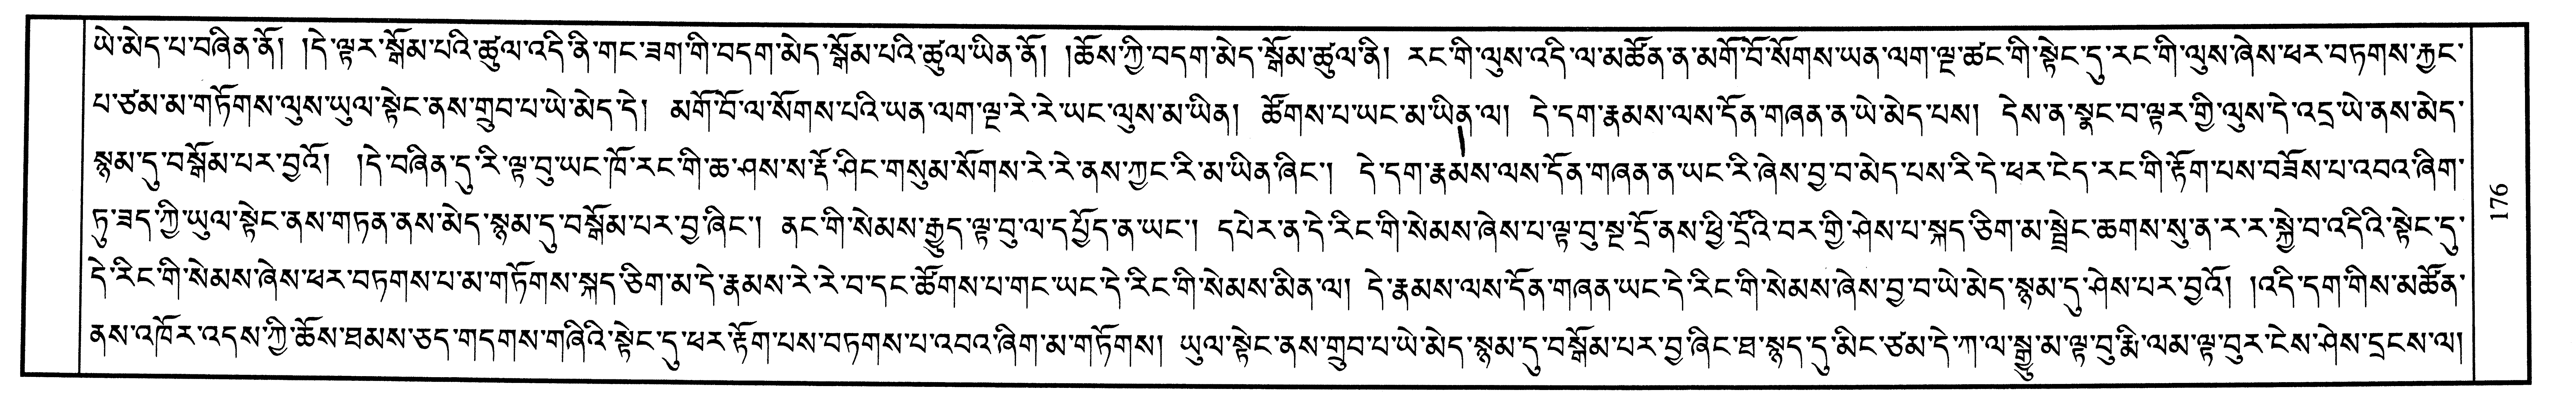ཡེ་མེད་པ་བཞིན་ནོ། །དེ་ལྟར་སྒོམ་པའི་ཚུལ་འདི་ནི་གང་ཟག་གི་བདག་མེད་སྒོམ་པའི་ཚུལ་ཡིན་ནོ། །ཆོས་ཀྱི་བདག་མེད་སྒོམ་ཚུལ་ནི། རང་གི་ལུས་འདི་ལ་མཚོན་ན་མགོ་བོ་སོགས་ཡན་ལག་ལྔ་ཚང་གི་སྟེང་དུ་རང་གི་ལུས་ཞེས་ཕར་བཏགས་རྐྱང་
པ་ཙམ་མ་གཏོགས་ལུས་ཡུལ་སྟེང་ནས་གྲུབ་པ་ཡེ་མེད་དེ། མགོ་བོ་ལ་སོགས་པའི་ཡན་ལག་ལྔ་རེ་རེ་ཡང་ལུས་མ་ཡིན། ཚོགས་པ་ཡང་མ་ཡིན་ལ། དེ་དག་རྣམས་ལས་དོན་གཞན་ན་ཡེ་མེད་པས། དེས་ན་སྣང་བ་ལྟར་གྱི་ལུས་དེ་འདྲ་ཡེ་ནས་མེད་
སྙམ་དུ་བསྒོམ་པར་བྱའོ།། དེ་བཞིན་དུ་རི་ལྟ་བུ་ཡང་ཁོ་རང་གི་ཆ་ཤས་ས་རྡོ་ཤིང་གསུམ་སོགས་རེ་རེ་ནས་ཀྱང་རི་མ་ཡིན་ཞིང་། དེ་དག་རྣམས་ལས་དོན་གཞན་ན་ཡང་རི་ཞེས་བྱ་བ་མེད་པས་རི་དེ་ཕར་ངེད་རང་གི་རྟོག་པས་བཟོས་པ་འབའ་ཞིག་
ཏུ་ཟད་ཀྱི་ཡུལ་སྟེང་ནས་གཏན་ནས་མེད་སྙམ་དུ་བསྒོམ་པར་བྱ་ཞིང་། ནང་གི་སེམས་རྒྱུད་ལྟ་བུ་ལ་དཔྱོད་ན་ཡང་། དཔེར་ན་དེ་རིང་གི་སེམས་ཞེས་པ་ལྟ་བུ་སྔ་དྲོ་ནས་ཕྱི་དྲོའི་བར་གྱི་ཤེས་པ་སྐད་ཅིག་མ་སྦྲེང་ཆགས་སུ་ན་ར་ར་སྐྱེ་བ་འདིའི་སྟེང་དུ་
དེ་རིང་གི་སེམས་ཞེས་ཕར་བཏགས་པ་མ་གཏོགས་སྐད་ཅིག་མ་དེ་རྣམས་རེ་རེ་བ་དང་ཚོགས་པ་གང་ཡང་དེ་རིང་གི་སེམས་མིན་ལ། དེ་རྣམས་ལས་དོན་གཞན་ཡང་དེ་རིང་གི་སེམས་ཞེས་བྱ་བ་ཡེ་མེད་སྙམ་དུ་ཤེས་པར་བྱའོ། །འདི་དག་གིས་མཚོན་
ནས་འཁོར་འདས་ཀྱི་ཆོས་ཐམས་ཅད་གདགས་གཞིའི་སྟེང་དུ་ཕར་རྟོག་པས་བཏགས་པ་འབའ་ཞིག་མ་གཏོགས། ཡུལ་སྟེང་ནས་གྲུབ་པ་ཡེ་མེད་སྙམ་དུ་བསྒོམ་པར་བྱ་ཞིང་ཐ་སྙད་དུ་མིང་ཙམ་དེ་ཀ་ལ་སྒྱུ་མ་ལྟ་བུ་རྨི་ལམ་ལྟ་བུར་ངེས་ཤེས་དྲངས་ལ།